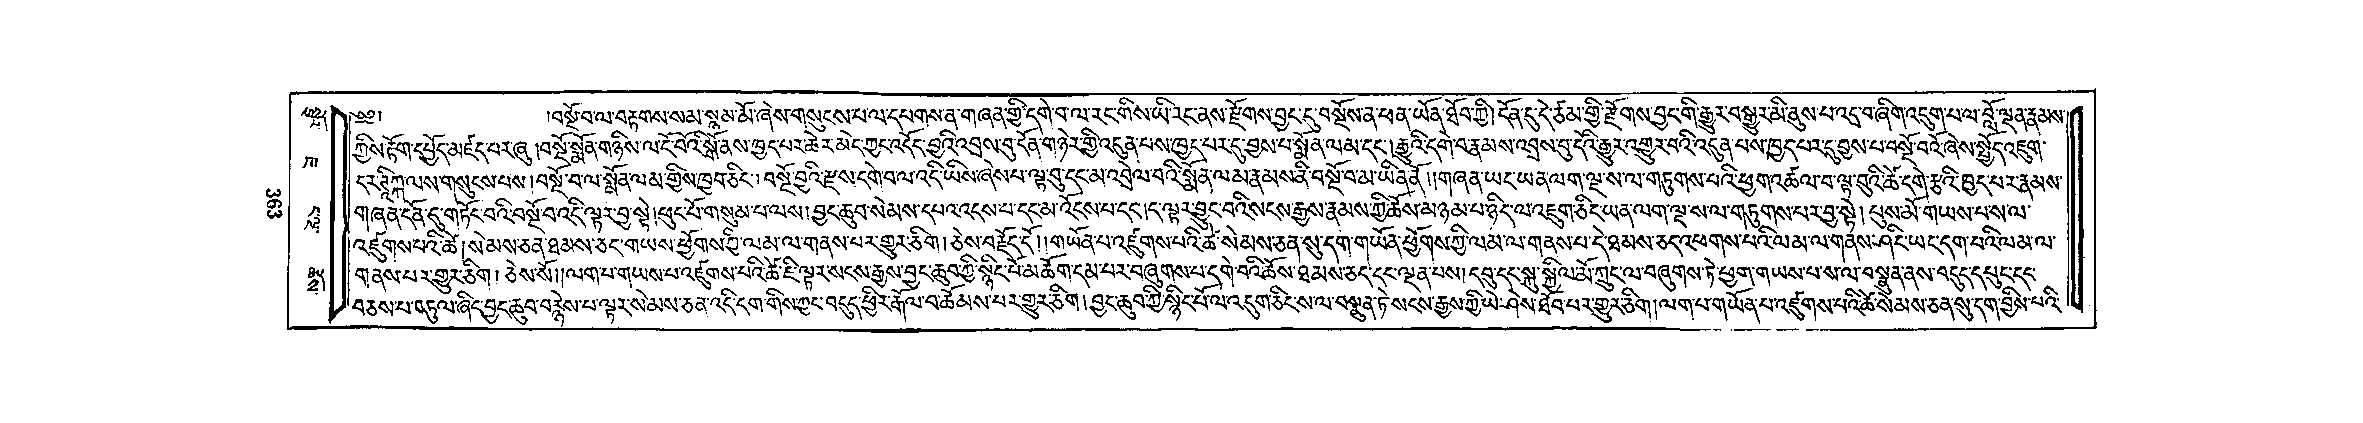༄༅། །བསྔོ་བ་ལ་བརྟགས་སམ་སྙམ་མོ་ཞེས་གསུངས་པ་ལ་དཔགས་ན་གཞན་གྱི་དགེ་བ་ལ་རང་གིས་ཡི་རང་ནས་རྫོགས་བྱང་དུ་བསྔོས་ན་ཕན་ཡོན་ཐོབ་ཀྱི། དོན་དུ་དེ་ཙམ་གྱི་རྫོགས་བྱང་གི་རྒྱུར་བསྒྱུར་མི་ནུས་པ་འདྲ་བ་ཞིག་འདུག་པ་ལ་བློ་ལྡན་རྣམས་
ཀྱིས་རྟོག་དཔྱོད་མཛད་པར་ཞུ། བསྔོ་སྨོན་གཉིས་ལ་ངོ་བོའི་སྒོ་ནས་ཁྱད་པར་ཆེར་མེད་ཀྱང་འདོད་བྱའི་འབྲས་བུ་དོན་གཉེར་གྱི་འདུན་པས་ཁྱད་པར་དུ་བྱས་པ་སྨོན་ལམ་དང་། རྒྱུའི་དགེ་བ་རྣམས་འབྲས་བུ་དེའི་རྒྱུར་འགྱུར་བའི་འདུན་པས་ཁྱད་པར་དུ་བྱས་པ་བསྔོ་བའོ་ཞེས་སྤྱོད་འཇུག་
དར་ཊཱིཀྐ་ལས་གསུངས་པས། བསྔོ་བ་ལ་སྨོན་ལམ་གྱིས་ཁྱབ་ཅིང་། བསྔོ་བྱའི་རྫས་དགེ་བ་ལ་འདི་ཡིས་ཞེས་པ་ལྟ་བུ་དང་མ་འབྲེལ་བའི་སྨོན་ལམ་རྣམས་ནི་བསྔོ་བ་མ་ཡིན་ནོ། །གཞན་ཡང་ཡན་ལག་ལྔ་ས་ལ་གཏུགས་པའི་ཕྱག་འཚལ་བ་ལྟ་བུའི་ཚེ་དགེ་རྩའི་ཁྱད་པར་རྣམས་
གཞན་དོན་དུ་གཏོང་བའི་བསྔོ་བ་འདི་ལྟར་བྱ་སྟེ། ཕུང་པོ་གསུམ་པ་ལས། བྱང་ཆུབ་སེམས་དཔའ་འདས་པ་དང་མ་འོངས་པ་དང་། ད་ལྟར་བྱུང་བའི་སངས་རྒྱས་རྣམས་ཀྱི་ཆོས་མཉམ་པ་ཉིད་ལ་འཇུག་ཅིང་ཡན་ལག་ལྔ་ས་ལ་གཏུགས་པར་བྱ་སྟེ། པུས་མོ་གཡས་པ་ས་ལ་
འཛུགས་པའི་ཚེ། སེམས་ཅན་ཐམས་ཅད་གཡས་ཕྱོགས་ཀྱི་ལམ་ལ་གནས་པར་གྱུར་ཅིག །ཅེས་བརྗོད་དོ། །གཡོན་པ་འཛུགས་པའི་ཚེ་སེམས་ཅན་སུ་དག་གཡོན་ཕྱོགས་ཀྱི་ལམ་ལ་གནས་པ་དེ་ཐམས་ཅད་འཕགས་པའི་ལམ་ལ་གནས་ཤིང་ཡང་དག་པའི་ལམ་ལ་
གནས་པར་གྱུར་ཅིག །ཅེས་སོ། །ལག་པ་གཡས་པ་འཛུགས་པའི་ཚེ་ཇི་ལྟར་སངས་རྒྱས་བྱང་ཆུབ་ཀྱི་སྙིང་པོ་མཆོག་དམ་པར་བཞུགས་པ་དགེ་བའི་ཆོས་ཐམས་ཅད་དང་ལྡན་པས། དབུ་དང་སྐུ་སྐྱིལ་མོ་ཀྲུང་ལ་བཞུགས་ཏེ་ཕྱག་གཡས་པ་ས་ལ་བསྣུན་ནས་བདུད་དཔུང་དང་
བཅས་པ་བཏུལ་ཞིང་བྱང་ཆུབ་བརྙེས་པ་ལྟར་སེམས་ཅན་འདི་དག་གིས་ཀྱང་བདུད་ཕྱིར་རྒོལ་བ་ཆོམས་པར་གྱུར་ཅིག །བྱང་ཆུབ་ཀྱི་སྙིང་པོ་ལ་འདུག་ཅིང་ས་ལ་བསྣུན་ཏེ་སངས་རྒྱས་ཀྱི་ཡེ་ཤེས་ཐོབ་པར་གྱུར་ཅིག །ལག་པ་གཡོན་པ་འཛུགས་པའི་ཚེ་སེམས་ཅན་སུ་དག་བྱིས་པའི་